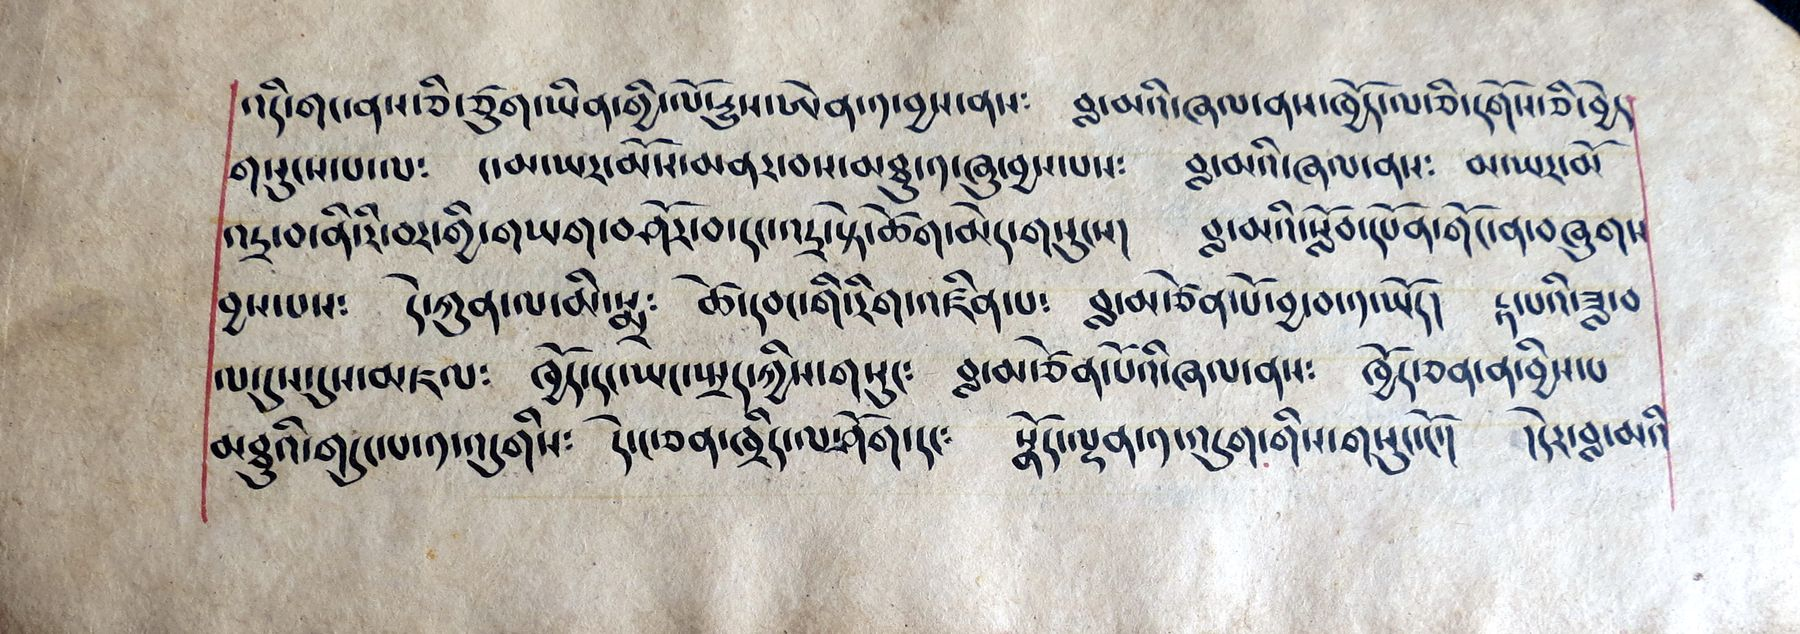འདི་གང་ནས་ཅི་ཙུག་ཡིན་གྱི་ལོ་རྒྱུས་ཨེན་ཅིག་བྱས་ནས། བླ་མའི་ཞལ་ནས་ཁྱོད་ལ་ཅི་དགོས་ཅི་བྱེད་
གསུངས་པ་ལ། ང་མ་ཡར་མོས་མནར་བས་མཐུ་ཞིག་ཞུ་བྱས་པས། བླ་མའི་ཞལ་ནས། མ་ཡར་མོ་
འདྲ་བ་ནི་རི་བར་གྱི་གཡག་བཤོར་བ་དང་འདྲ་སྟེ་ཚེགས་མེད་གསུངས། བླ་མའི་སློབ་དཔོན་གང་ན་བཞུགས་
བྱས་པས། དེ་ཀུན་ལ་མི་སྨྲ། ཚེ་དབང་གི་རིག་འཛིན་པ་བླ་མ་བཙན་པོ་བྱ་བ་ཅིག་ཡོད། རྟ་པའི་ཟླ་བ་
ལ་དུས་དུས་མཇལ། ཁྱོད་དང་ཡང་སྤྲད་ཀྱིས་གསུངས། བླ་མ་བཙན་པོའི་ཞལ་ནས། ཁྱོད་ཅན་ན་བྱིས་པ་
མཐུའི་གདུང་པ་གཅིག་འདུག་གིས། དེ་ང་ཅན་དུ་ཁྲིད་ལ་ཤོག་དང་། སྣོད་ལྡན་ཞིག་འདུག་གསུང་ངོ་། །དེར་བླ་མའི་